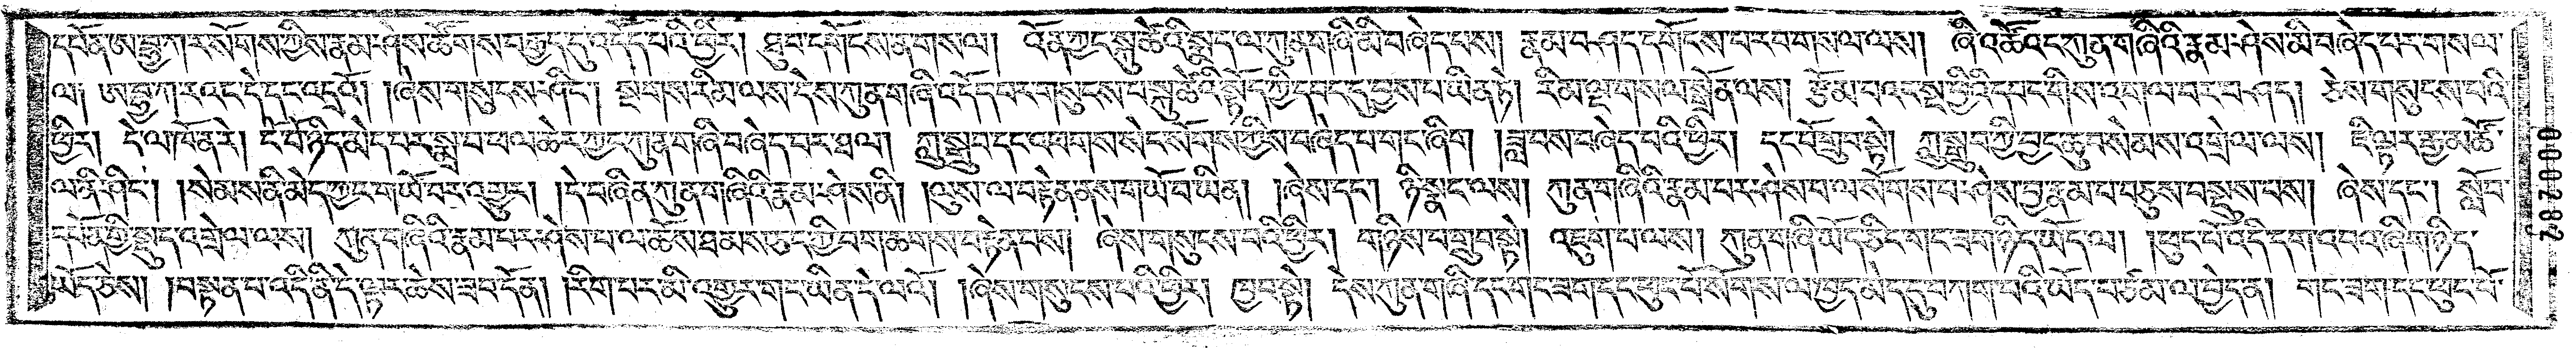དཔོན་ཨ་བྷྱ་ཀ་ར་སོགས་ཀྱིས་རྣམ་ཤེས་ཚོགས་བརྒྱད་དུ་འདོད་པའི་ཕྱིར། ཐུབ་དགོངས་ན་གསལ། འོན་ཀྱང་སྐུ་ཚེའི་སྨད་ལ་ཀུན་གཞི་མི་བཞེད་པས། རྣམ་བཤད་དགོངས་པ་རབ་གསལ་ལས། ཞི་འཚོའང་ཀུན་གཞིའི་རྣམ་ཤེས་མི་བཞེད་པར་གསལ་
ལ༑ ཨ་བྷྱ་ཀ་རའང་འདི་དང་འདྲའོ། །ཞེས་གསུངས་ཤིང་། སྔགས་རིམ་ལས་དེས་ཀུན་གཞི་འདོད་པར་གསུངས་པ་སྐུ་ཚེའི་སྟོད་ཀྱི་དབང་དུ་བྱས་པ་ཡིན་ཏེ། རིམ་ལྔ་གསལ་སྒྲོན་ལས། རྩོམ་པའང་སྔ་ཕྱིའི་དབང་གིས་འགལ་བར་བཤད། ཅེས་གསུངས་པའི་
ཕྱིར། དེ་ལ་ཁོ་ན་རེ། ངོ་བོ་ཉིད་མེད་པར་སྨྲ་བ་ཕལ་ཆེར་ཀྱང་ཀུན་གཞི་བཞེད་པར་ཐལ། ཀླུ་སྒྲུབ་དང་འཕགས་སེང་སོགས་ཀྱིས་བཞེད་པ་གང་ཞིག །ཟླ་བས་བཞེད་པའི་ཕྱིར། དང་པོ་གྲུབ་སྟེ། ཀླུ་སྒྲུབ་ཀྱི་བྱང་ཆུབ་སེམས་འགྲེལ་ལས། ཇི་ལྟར་རྒྱ་མཚོ་
ལ་ནི་ཤིང་། །སེམས་ནི་མེད་ཀྱང་གཡོ་བར་འགྱུར། །དེ་བཞིན་ཀུན་གཞིའི་རྣམ་ཤེས་ནི། །ལུས་ལ་བརྟེན་ནས་གཡོ་བ་ཡིན། །ཞེས་དང་། ཉི་སྣང་ལས། ཀུན་གཞིའི་རྣམ་པར་ཤེས་པ་ལ་སོགས་པ་ཤེས་བྱ་རྣམ་པ་བཅུས་བསྡུས་པས། ཞེས་དང་། སློབ་
དཔོན་གྱི་སྡུད་འགྲེལ་ལས། ཀུན་གཞིའི་རྣམ་པར་ཤེས་པ་ལ་ཆོས་ཐམས་ཅད་ཀྱི་བག་ཆགས་བརྟེན་པས། ཞེས་གསུངས་པའི་ཕྱིར། གཉིས་པ་གྲུབ་སྟེ། འཇུག་པ་ལས། ཀུན་གཞི་ཡོད་ཅིང་གང་ཟག་ཉིད་ཡོད་ལ། །ཕུང་པོ་འདི་དག་འབའ་ཞིག་ཉིད་
ཡོད་ཅེས། །བསྟན་པ་འདི་ནི་དེ་ལྟར་ཆེས་ཟབ་དོན། །རིག་པར་མི་འགྱུར་གང་ཡིན་དེ་ལའོ། །ཞེས་གསུངས་པའི་ཕྱིར། ཁྱབ་སྟེ། དེས་ཀུན་གཞི་དང་གང་ཟག་དང་ཕུང་པོ་སོགས་ལ་ཁྱད་མེད་དུ་བཀག་པའི་ཡོད་པ་ཙམ་ལ་བྱེད་ན། གང་ཟག་དང་ཕུང་པོ་